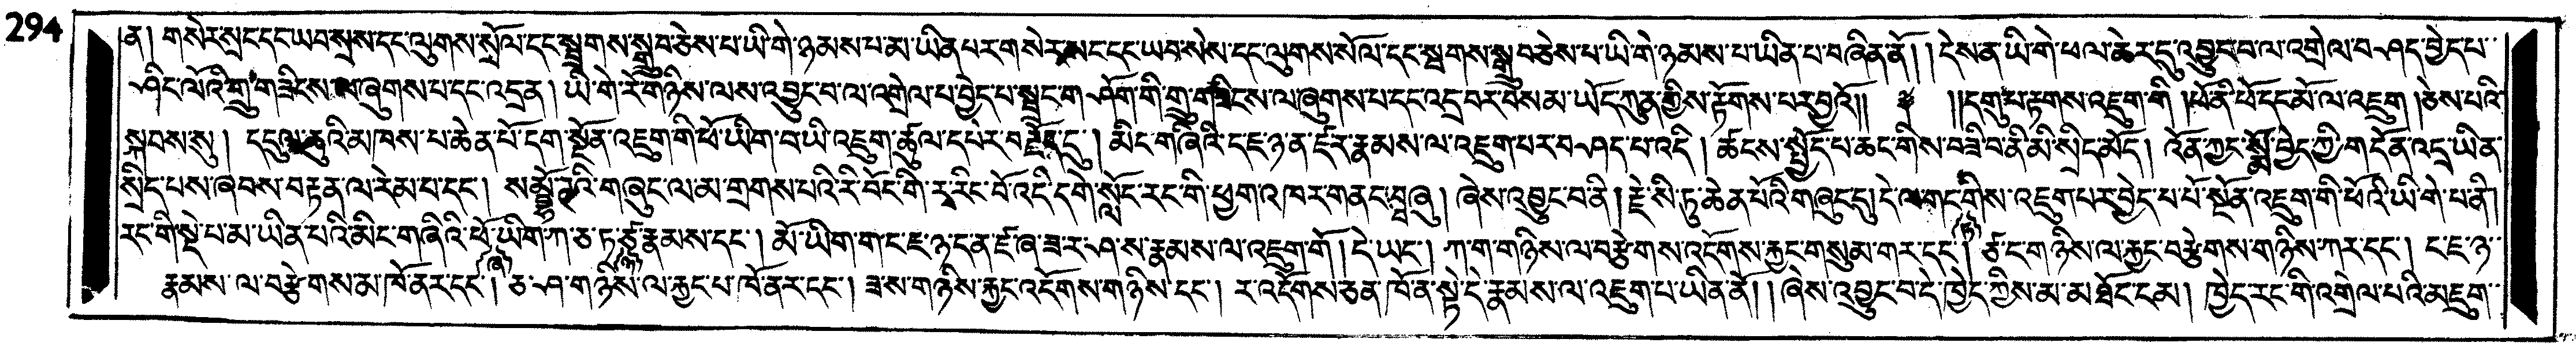ན། གསེར་སྲང་དང་ཡབ་སྲས་དང་ལུགས་སྲོལ་དང་སྦྲགས་སྒྲུབ་ཅེས་པ་ཡི་གེ་ཉམས་པ་མ་ཡིན་པར་གསེར་སང་དང་ཡབ་སེས་དང་ལུགས་སོལ་དང་སྤགས་སྒྲུབ་ཅེས་པ་ཡི་གེ་ཉམས་པ་ཡིན་པ་བཞིན་ནོ། །དེས་ན་ཡི་གེ་ཕལ་ཆེར་དུ་འབྱུང་བ་ལ་འགྲེལ་བཤད་བྱེད་པ་
ཤིང་ལོའི་གྲུ་གཟིངས་ས་ཞུགས་པ་དང་འདྲན། ཡི་གེ་རེ་གཉིས་ལས་འབྱུང་བ་ལ་འགྲེལ་པ་བྱེད་པ་སྦྲང་གཤོག་གི་གྲུ་གཟིངས་ལ་ཞུགས་པ་དང་འདྲ་བར་བསམ་ཡོད་ཀུན་གྱིས་རྟོགས་པར་བྱའོ།། འ་།།དགུ་པ་རྟགས་འཇུག་གི །ཕོ་ནི་ཕོ་དང་མོ་ལ་འཇུག །ཅེས་པའི་
སྐབས་སུ། དངུལ་ཆུའི་མཁས་པ་ཆེན་པོ་དག་སྔོན་འཇུག་གི་ཕོ་ཡིག་བ་ཡི་འཇུག་ཚུལ་དཔེར་བརྗོད་དུ། མིང་གཞིའི་ད་ཇ་ཉ་ན་ཛ་ར་རྣམས་ལ་འཇུག་པར་བཤད་པ་འདི། ཚངས་སྤྱོད་པ་ཆང་གིས་བཟི་བ་ནི་མི་སྲིད་མོད། འོན་ཀྱང་སྨོ་བྱེད་ཀྱི་གདོན་འདྲ་ཡིན་
སྲིད་པས་ཞབས་བརྟན་ལ་རེམ་པ་དང་། སམྦྷོ་ཊའི་གཞུང་ལ་མ་གྲགས་པའི་རི་བོང་གི་རྭ་རིང་བོ་འདི་དགེ་སློང་རང་གི་ཕྱག་འཁར་གནང་བ་བཞུ། ཞེས་འབྱུང་བ་ནི། རྗེ་སི་ཏུ་ཆེན་པོའི་གཞུང་དུ། དེ་ལ་གང་གིས་འཇུག་པར་བྱེད་པ་པོ་སྔོན་འཇུག་གི་ཕོའི་ཡི་གེ་པ་ནི།
རང་གི་སྡེ་པ་མ་ཡིན་པའི་མིང་གཞིའི་ཕོ་ཡིག་ཀ་ཅ་ཏ་ཙ་རྣམས་དང་། མོ་ཡིག་ག་ང་ཇ་ཉ་ད་ན་ཛ་ཞ་ཟ་ར་ཤ་ས་རྣམས་ལ་འཇུག་གོ །དེ་ཡང་། ཀ་ག་གཉིས་ལ་བརྩེགས་འདོགས་རྐྱང་གསུམ་གར་དང་། ཙ་ང་གཉིས་ལ་རྐྱང་བརྩེགས་གཉིས་ཀར་དང་། ང་ཇ་ཉ་
རྣམས་ལ་བརྩེགས་མ་ཁོ་ནར་དང་། ཅ་ཤ་གཉིས་ལ་རྐྱང་པ་ཁོ་ནར་དང་། ཟ་ས་གཉིས་རྐྱང་འདོགས་གཉིས་དང་། ར་འདོགས་ཅན་ཁོ་ན་སྟེ་དེ་རྣམས་ལ་འཇུག་པ་ཡིན་ནོ། །ཞེས་འབྱུང་བ་དེ་ཁྱེད་ཀྱིས་མ་མཐོང་ངམ། ཁྱེད་རང་གི་འགྲེལ་པའི་མཇུག་